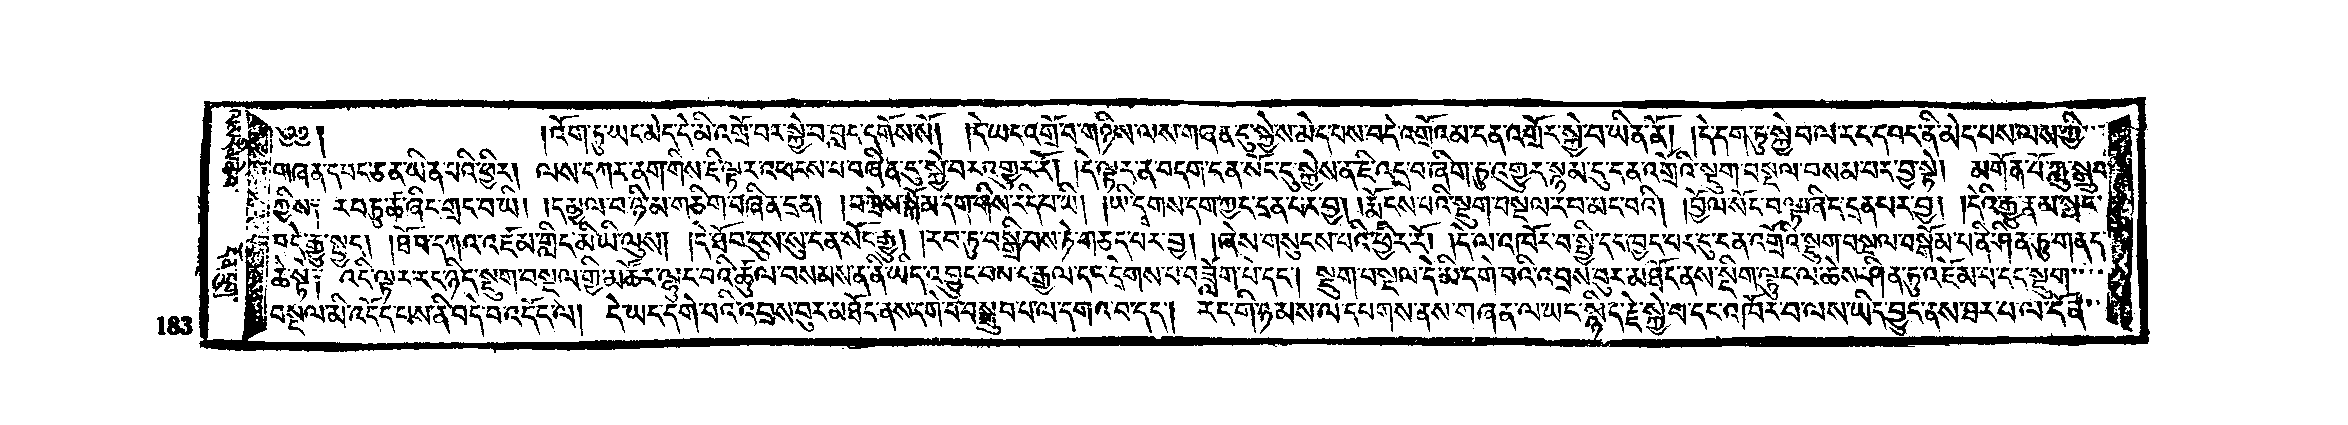༄༅། །འོག་ཏུ་ཡང་མེད་དེ་མི་འགྲོ་བར་སྐྱེ་བ་བླང་དགོས་སོ། །དེ་ཡང་འགྲོ་བ་གཉིས་ལས་གཞན་དུ་སྐྱེས་མེད་པས་བདེ་འགྲོའམ་ངན་འགྲོར་སྐྱེ་བ་ཡིན་ནོ། །དེ་དག་ཏུ་སྐྱེ་བ་ལ་རང་དབང་ནི་མེད་པས་ལས་ཀྱི་
གཞན་དབང་ཅན་ཡིན་པའི་ཕྱིར། ལས་དཀར་ནག་གིས་ཇི་ལྟར་འཕངས་པ་བཞིན་དུ་སྐྱེ་བར་འགྱུར་རོ། །དེ་ལྟར་ན་བདག་ངན་སོང་དུ་སྐྱེས་ན་ཇི་འདྲ་བ་ཞིག་ཏུ་འགྱུར་སྙམ་དུ་ངན་འགྲོའི་སྡུག་བསྔལ་བསམ་པར་བྱ་སྟེ། མགོན་པོ་ཀླུ་སྒྲུབ་
ཀྱིས༑ རབ་ཏུ་ཚ་ཞིང་གྲང་བ་ཡི། །དམྱལ་བ་ཉི་མ་གཅིག་བཞིན་དྲན། །བཀྲེས་སྐོམ་དག་གིས་རིད་པ་ཡི། །ཡི་དྭགས་དག་ཀྱང་དྲན་པར་བྱ། །རྨོངས་པའི་སྡུག་བསྔལ་རབ་མང་བའི། །བྱོལ་སོང་བལྟ་ཞིང་དྲན་པར་བྱ། །དེའི་རྒྱུ་རྣམ་སྤང་
བདེ་རྒྱུ་སྤྱད། །ཐོབ་དཀའ་འཛམ་གླིང་མི་ཡི་ལུས། །དེ་ཐོབ་དུས་སུ་ངན་སོང་རྒྱུ། །རབ་ཏུ་བསྒྲིམས་ཏེ་གཅད་པར་བྱ། །ཞེས་གསུངས་པའི་ཕྱིར་རོ། །དེ་ལ་འཁོར་བ་སྤྱི་དང་ཁྱད་པར་དུ་ངན་འགྲོའི་སྡུག་བསྔལ་བསྒོམ་པ་ནི་ཤིན་ཏུ་གནད་
ཆེ་སྟེ༑ འདི་ལྟར་རང་ཉིད་སྡུག་བསྔལ་གྱི་མཚོར་ལྷུང་བའི་ཚུལ་བསམས་ན་ནི་ཡིད་འབྱུང་བས་ང་རྒྱལ་དང་དྲེགས་པ་བཟློག་པ་དང་། སྡུག་བསྔལ་དེ་མི་དགེ་བའི་འབྲས་བུར་མཐོང་ནས་སྡིག་ལྟུང་ལ་ཆེས་ཤིན་ཏུ་འཛེམ་པ་དང་སྡུག་
བསྔལ་མི་འདོད་པས་ནི་བདེ་བ་འདོད་ལ། དེ་ཡང་དགེ་བའི་འབྲས་བུར་མཐོང་ནས་དགེ་བ་བསྒྲུབ་པ་ལ་དགའ་བ་དང་། རང་གི་ཉམས་ལ་དཔགས་ནས་གཞན་ལ་ཡང་སྙིང་རྗེ་སྐྱེ་བ་དང་འཁོར་བ་ལས་ཡིད་བྱུང་ནས་ཐར་པ་ལ་དོན་